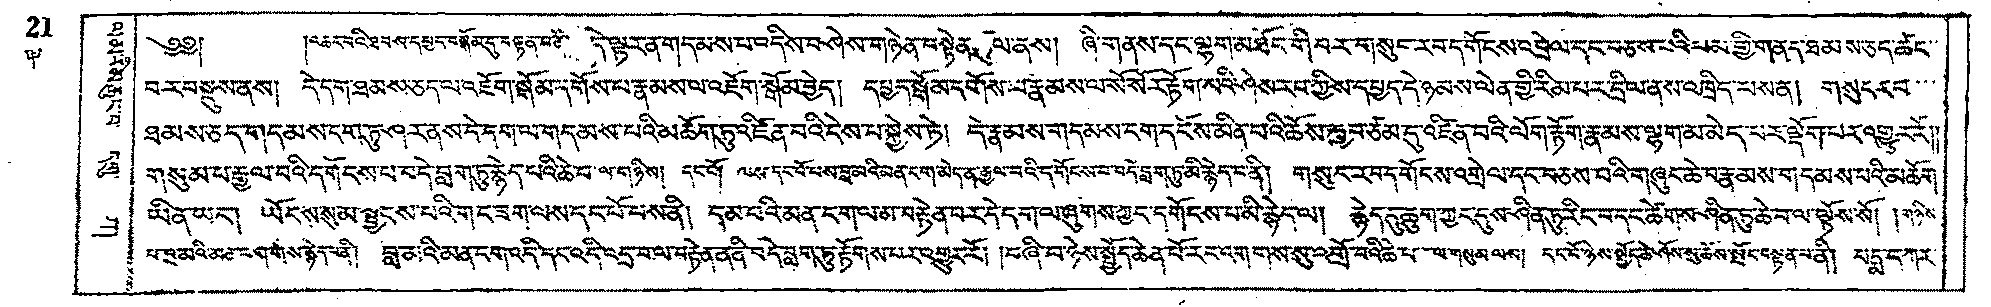༄༅། །འཆར་བའི་ཐབས་དཔྱད་བསྒོམ་དུ་བསྟན་པ་ནི། དེ་ལྟར་ན་གདམས་པ་འདིས་བཤེས་གཉེན་བསྟེན་ཚུལ་ནས། ཞི་གནས་དང་ལྷག་མཐོང་གི་བར་གསུང་རབ་དགོངས་འབྲེལ་དང་བཅས་པའི་ཕམ་གྱི་གནད་ཐམས་ཅད་ཚང་
བར་བསྡུས་ནས། དེ་དག་ཐམས་ཅད་ལ་འཇོག་སྒོམ་དགོས་པ་རྣམས་ལ་འཇོག་སྒོམ་བྱེད། དཔྱད་སྒོམ་དགོས་པ་རྣམས་ལ་སོ་སོར་རྟོག་པའི་ཤེས་རབ་ཀྱིས་དཔྱད་དེ་ཉམས་ལེན་གྱི་རིམ་པར་དྲི་ལ་ནས་འཁྲིད་པས་ན། གསུང་རབ་
ཐམས་ཅད་གདམས་ངག་ཏུ་ཤར་ནས་དེ་དག་ལ་གདམས་པའི་མཆོག་ཏུ་འཛིན་བའི་ངེས་པ་སྐྱེས་ཏེ། དེ་རྣམས་གདམས་ངག་དངོས་མིན་པའི་ཆོས་རྒྱབ་ཙམ་དུ་འཛིན་པའི་ལོག་རྟོག་རྣམས་ལྷག་མ་མེད་པར་ལྡོག་པར་འགྱུར་རོ། །
གསུམ་པ་རྒྱལ་བའི་དགོངས་པ་བདེ་བླག་ཏུ་རྙེད་པའི་ཆེ་བ་ལ་གཉིས། དང་པོ། ལས་དང་པོ་པས་བླ་མའི་མན་ངག་མེད་ན་རྒྱལ་བའི་དགོངས་པ་བདེ་བླག་ཏུ་མི་རྙེད་པ་་ནི། གསུང་རབ་དགོངས་འགྲེལ་དང་བཅས་པའི་གཞུང་ཆེ་བ་རྣམས་གདམས་པའི་མཆོག་
ཡིན་ཡང་། ཡོངས་སུ་མ་སྦྱངས་པའི་གང་ཟག་ལས་དང་པོ་པས་ནི། དམ་པའི་མན་ངག་ལ་མ་བརྟེན་པར་དེ་དག་ལ་ཞུགས་ཀྱང་དགོངས་པ་མི་རྙེད་ལ། རྙེད་དུ་ཆུག་ཀྱང་དུས་ཤིན་ཏུ་རིང་བ་དང་ཚེགས་ཤིན་ཏུ་ཆེ་བ་ལ་ལྟོས་སོ། །གཉིས་
པ་བླ་མའི་མན་ངག་གིས་རྙེད་པ་ནི། བླ་མའི་མན་ངག་འདི་དང་འདི་འདྲ་བ་ལ་བརྟེན་ན་ནི་བདེ་བླག་ཏུ་རྟོགས་པར་འགྱུར་རོ། །བཞི་པ་ཉེས་སྤྱོད་ཆེན་པོ་རང་འགགས་སུ་འགྲོ་བའི་ཆེ་བ་ལ་གསུམ་ལས། དང་པོ་ཉེས་སྤྱོད་ཆེ་ཤོས་སུ་ཆོས་སྤོད་བསྟན་པ་ནི། པདམ་དཀར་